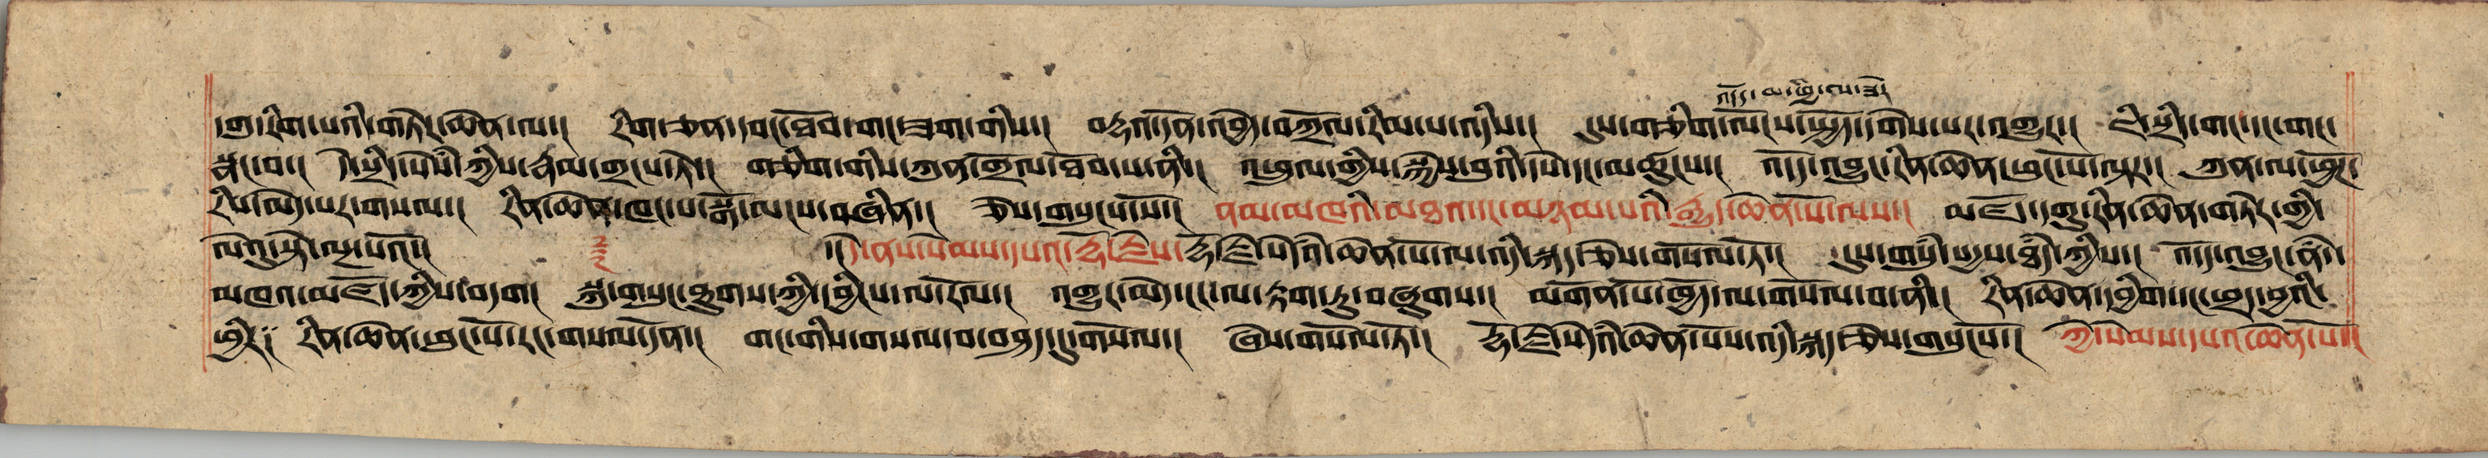དགུ་རིག་པའི་གཏེར་ཆེན་ལ་། རིག་ཅན་དབང་ཐོབ་གང་ཟག་གིས་། བརྡའ་དོན་འབྱེད་བཀྲོལ་རིམ་པ་འདིས་། དུས་གཅིག་ལོངས་སྤྱོད་དགེས་པར་འགྱུར་། ཇི་སྲིད་གང་དང་གང་
སྣང་བ་། དེ་སྲིད་སེཾས་ཀྱིས་རྣམ་གྲངས་ཏེ་། གཅིག་གིས་ཀུན་གྲོལ་ཐོབ་པ་ནི་། འཕྲུལ་གྱིས་སྐྱེས་བུའི་དཔེ་དང་མཚུངས་་། འདོད་འབྱུང་རིན་ཆེན་ཕུང་པོ་ལྟར་། ཀུན་ལ་ཕྱོཌ་
རིས་མེད་པར་གསལ་། རིན་ཆེན་ཁང་པ་སྒོ་མངས་བཞིན་། ཅེས་གསུངས་སོ་། ནམ་མཁའི་མཐའ་དང་མཉམ་པའི་རྒྱུད་ཆེན་པོ་ལས་། མཛོད་དགུ་རིན་ཆེན་གཏེར་གྱི་
ལེའུ་སྟེ་ལྔ་པའོ་། ༈ ་།དེ་ནས་སེམས་དཔའ་རྡོ་རྗེས་རྡོ་རྗེ་སེདཾའ་ཆེན་པོ་ལ་འདི་སྐད་ཅེས་གསོལ་ཏོ་། དུས་གསུཾ་སདྱས་ཐཾད་ཀྱིས་། འདོད་འབྱུང་ནཾ་
མཁའ་མཛོད་ཀྱིས་བདག། སྐུ་གསུང་ཐུགས་ཀྱི་དབྱིངས་ལ་རོལ་། འགྱུར་མེད་ངང་ལ་རྟག་ཏུ་བཞུགས་། མགོན་པོ་ཁྱོད་ལ་གསོལ་བ་ནི་། རིན་ཆེན་དབྱིག་དང་ཕྲད་བྱའི་
ཕྱིར༑ རིན་ཆེན་ཕུང་པོ་རང་གསལ་དོན་། གང་གིས་གསལ་བ་བཤད་དུ་གསོལ་། ཞེས་གསོལ་ཏོ་། རྡོ་རྗེ་སེདའཾ་ཆེན་པོས་འདི་སྐད་ཅེས་གསུངསོ་། ཀྱེ་སེམས་དཔའ་ཆེན་པོ་།